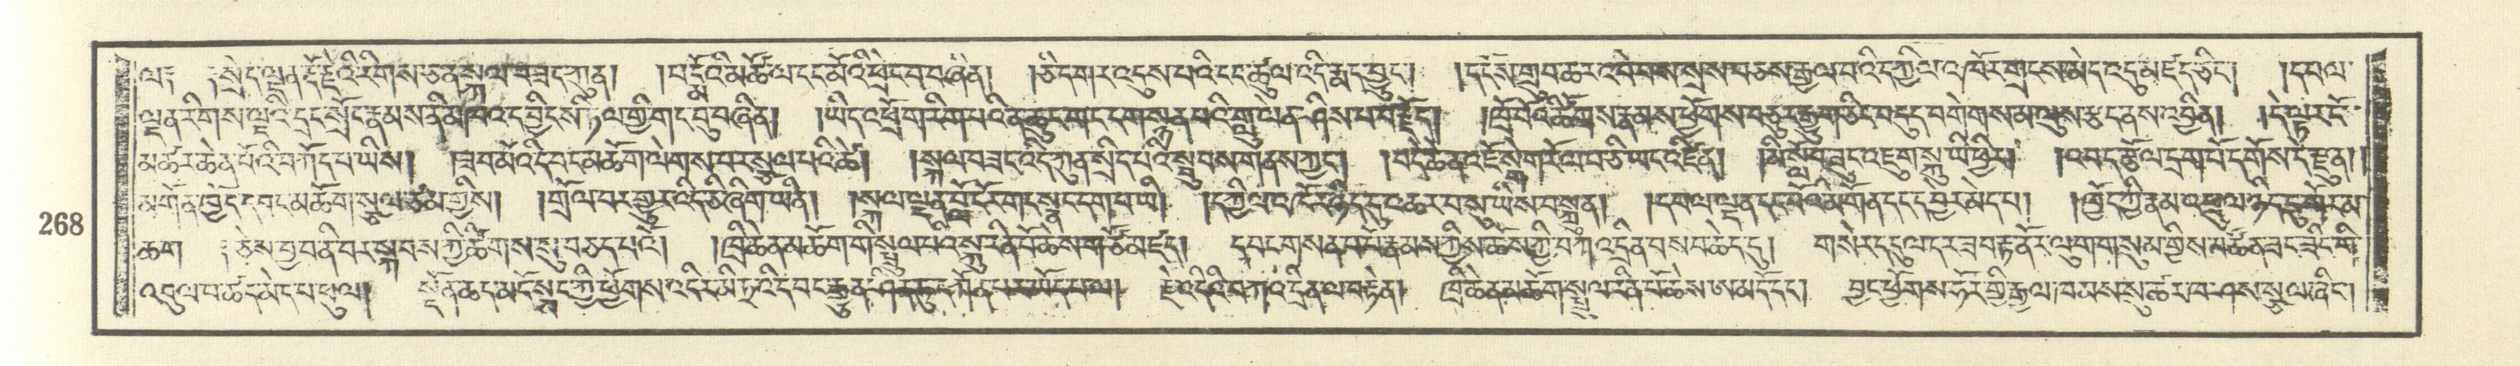ལ༑ ༑སྲེད་ལྡན་རྡོ་རྗེའི་རིགས་ཅན་སྐལ་བཟང་ཀུན། །པདམོའི་མཚོ་ལ་དང་མོའི་ཕྲེང་བ་བཞིན། །ཅི་དགར་འདུས་པའི་ངང་ཚུལ་འདི་རྨད་བྱུང་། །དངོས་གྲུབ་ཆར་འབེབས་སྲས་བཅས་རྒྱལ་བའི་དཀྱིལ་འཁོར་གྲངས་མེད་འདུ་མཛད་ཅིང་། །དཔལ་
ལྡན་རིགས་ལྔའི་དྲང་སྲོང་རྣམས་ནི་མཁའ་དབྱིངས་ཏིལ་གྱི་གང་བུ་བཞིན། །ཡིད་འཕྲོག་རིག་པའི་ན་ཆུང་གང་དག་སྙན་པའི་གླུ་ལེན་ཤིས་པ་བརྗོད། །ཁྲོ་བོའི་ཚོགས་རྣམས་ཕྱོགས་བཅུར་རྒྱུག་ཅིང་བདུད་བགེགས་མ་ལུས་རྩད་ནས་འབྱིན། །དེ་ལྟར་ངོ་
མཚར་ཆེན་པོའི་བཀོད་པ་ཡིས། །ཟབ་མོའི་དབང་མཆོག་ལེགས་པར་སྩལ་པའི་ཚེ། །སྐལ་བཟང་འདི་ཀུན་སྲིད་པའི་སྦུབས་གནས་ཀྱང་། །བདེ་ཆེན་འཇོ་སྒེག་རོལ་པ་ཅི་ཡང་འཛིན། །མི་སློབ་ཟུང་འཇུག་སྐུ་ཡི་ཕྱིར། །འབད་རྩོལ་དྲག་པོ་དགོས་དེ་རྫུན། །
མགོན་ཁྱོད་དབང་མཆོག་སྩལ་ཙམ་གྱིས། །གྲོལ་བར་གྱུར་འདི་ཅི་ཞིག་ཡིན། །སྐལ་ལྡན་བློ་ངོར་གང་སྣང་དག་པ་ཡི། །དཀྱིལ་འཁོར་ཉིད་དུ་འཆར་བ་སུ་ཡིས་བསྐྲུན། །དཔལ་ལྡན་དང་པོའི་མགོན་དང་དབྱེར་མེད་པ། །ཁྱོད་ཀྱི་རྣམ་འཕྲུལ་ཉིད་དུ་གོར་མ་
ཆག ༑ཅེས་བྱ་བ་ནི་བར་སྐབས་ཀྱི་ཚིགས་སུ་བཅད་པའོ། །ཁྲི་ཆེན་མཆོག་གི་སྤྲུལ་པའི་སྐུ་རིན་པོ་ཆེས་གཙོ་མཛད། དབང་གསན་པ་པོ་རྣམས་ཀྱིས་ཆོས་ཀྱི་བཀའ་དྲིན་བསབ་ཆེད་དུ། གསེར་དངུལ་དར་ཟབ་རྟ་ནོར་ལུག་གསུམ་གྱིས་མཚོན་ཟང་ཟིང་གི་
འབུལ་བ་ཚད་མེད་པ་ཕུལ། སྔོན་ཆད་མདོ་སྨད་ཀྱི་ཕྱོགས་འདིར་མི་ཏྲའི་དབང་རྒྱུན་ཤིན་ཏུ་དཀོན་པར་ཡོད་པ་ལ། རྗེ་འདིའི་བཀའ་དྲིན་ལ་བརྟེན། ཁྲི་ཆེན་མཆོག་སྤྲུལ་རིན་པོ་ཆེས་ཨ་མདོ་དང་། བྱང་ཕྱོགས་ཧོར་གྱི་རྒྱལ་ཁམས་སུ་ཚར་ཁ་ཤས་སྩལ་ཞིང་།